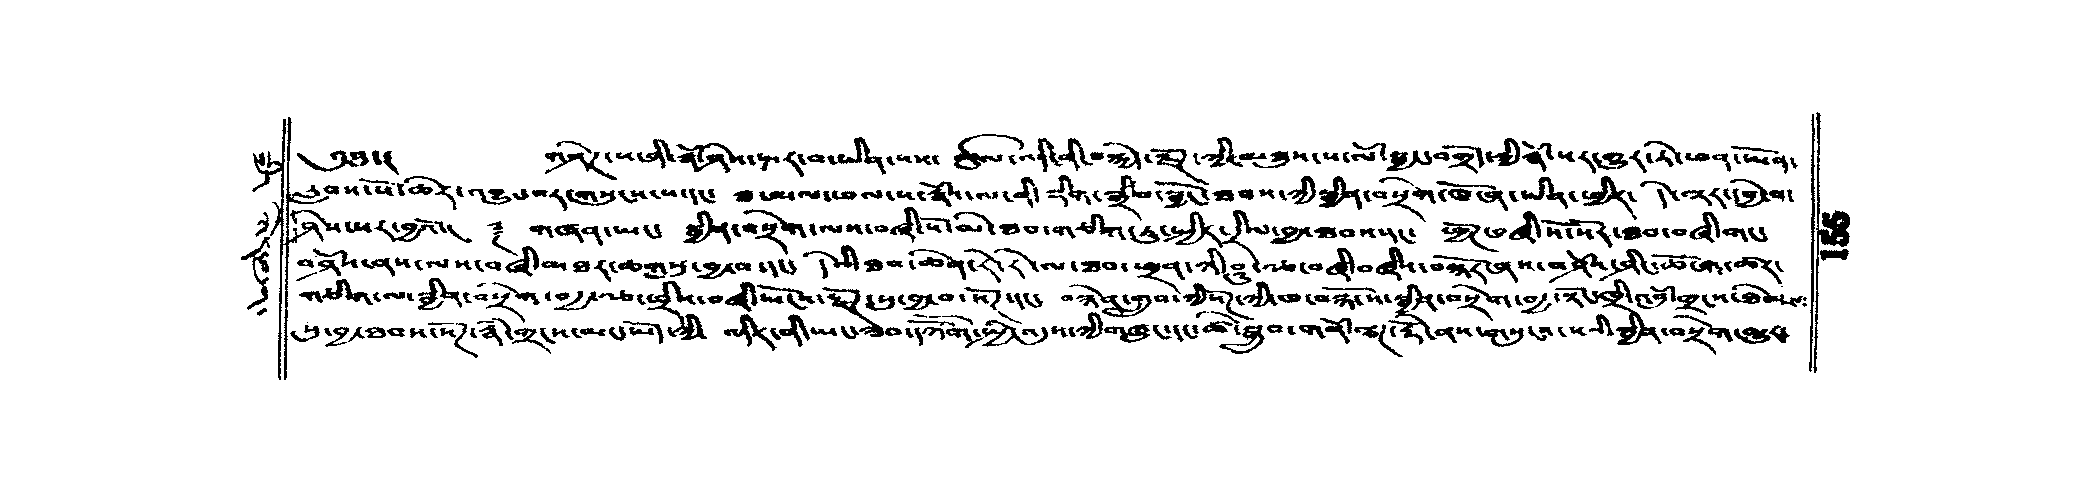གཤེགས་པ་རྣམ་ཤེས་སྤར་བ་ཡིན་པས། ཚུལ་འདི་ནི་བསྐྱེད་རྫོགས་ཀྱི་མཐུས་པ་ལམ་བྱང་བགྲོད་ཀྱི་རྣམ་པར་གྱུར་ཏེ་ཕན་ཡོན་
རླབས་པོ་ཆེར་འབྱུང་བར་གསུངས་པ་དང་། ཐ་མལ་ཕལ་པ་རྣམས་ལ་ནི་སྡིག་སྒྲིབ་སྦྱོང་ཐབས་ཀྱི་སྦྱིན་བསྲེག་ཁོ་ན་ཡིན་ཕྱིར། དེ་ལྟར་དབྱེ་བ་
ཤེས་པར་བྱའོ། ༈ གཞན་ཡང་། སྦྱིན་བསྲེག་ལས་བཞི་པོ་མེ་ཐབ་གཅིག་ཏུ་སྤྱིར་དྲིལ་བྱ་ཐབས་དང་། ཕྱོགས་བཞི་སོ་སོར་ཐབ་བཞི་གང་
བཤམས་ནས་ལས་བཞི་མཐར་ཆགས་སུ་བྱ་བ་དང་། དེའི་ཐབས་ཆེན་རེ་རེ་ལ་ཐབ་ཕྲན་ཉི་ཤུ་རྩ་བཞི་བཞིས་བསྐོར་ནས་བཤམས་ཤིང་ཆོ་ག་ཚར་
གཅིག་ལ་སྦྱིན་བསྲེག་བརྒྱ་རྩ་ཕྲིན་ལས་བཞི་ཡོངས་རྫོགས་སུ་བྱ་བ་སོགས་དང་། བསྙེན་གྲུབ་ཀྱི་སོགས་ཀྱི་ཁ་བསྐོངས་སྦྱིན་བསྲེག་བརྒྱ་སྟོང་ཁྲི་འབུམ་གྲངས་ཐེམས་
སུ་བྱ་ཐབས་སོགས་རྣམ་གྲངས་མང་ཡོད་ཀྱི། འདིར་ནི་ཡང་ཟབ་དཀོན་མཆོག་སྤྱི་འདུས་ཀྱི་གཞུང་དང་ཚེ་སྒྲུབ་གནམ་ལྕགས་རྡོ་རྗེ་ནས་གསུངས་པའི་སྦྱིན་བསྲེག་མྱུར་